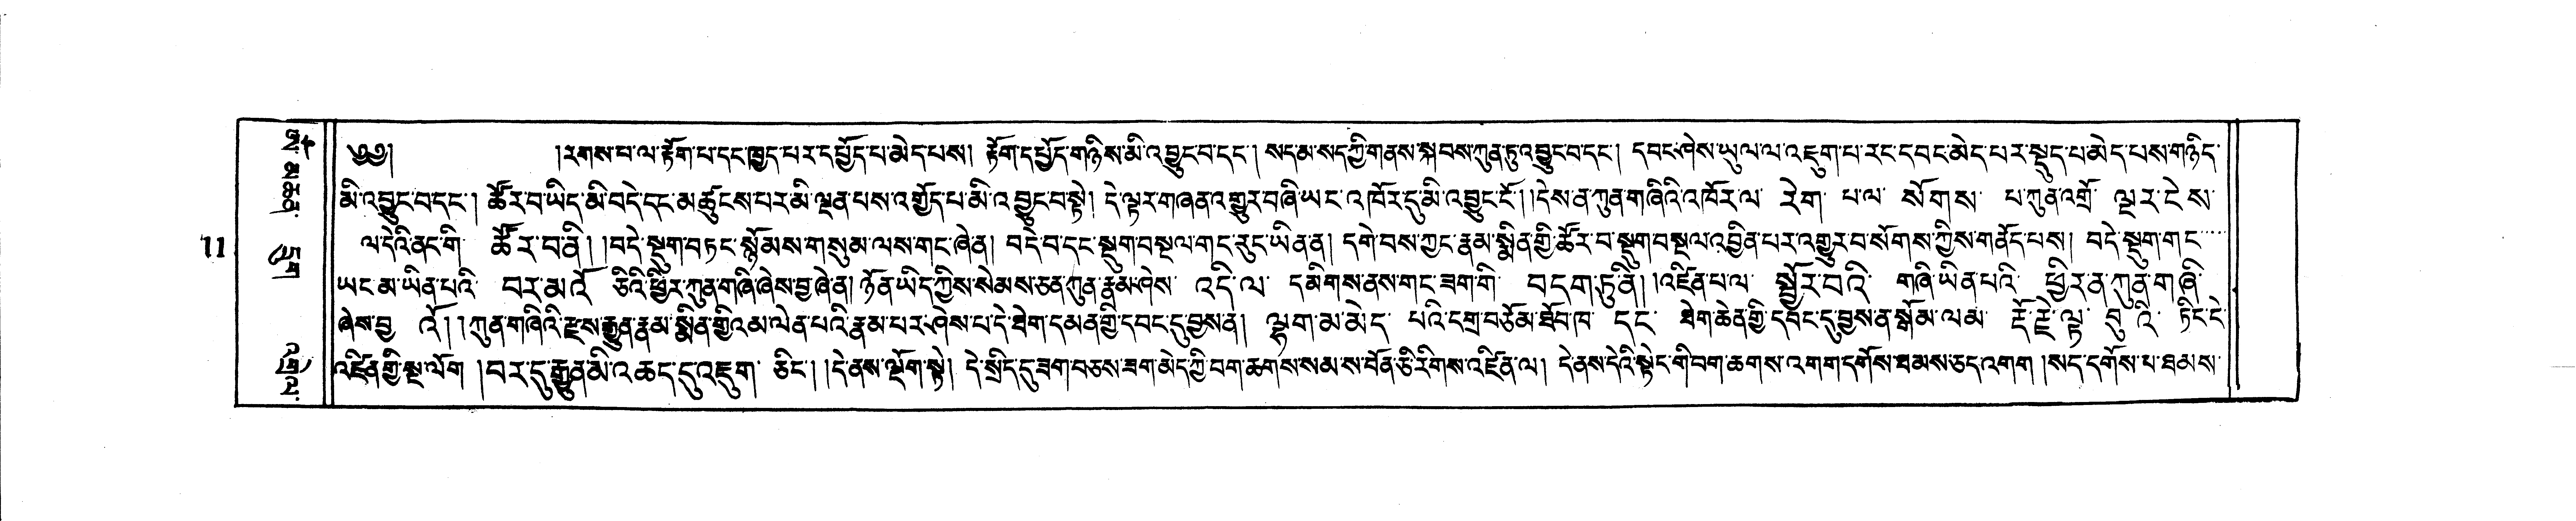༄༅། །རགས་པ་ལ་རྟོག་པ་དང་ཁྱད་པར་དཔྱོད་པ་མེད་པས། རྟོག་དཔྱོད་གཉིས་མི་འབྱུང་བ་དང་། སད་མ་སད་ཀྱི་གནས་སྐབས་ཀུན་ཏུ་འབྱུང་བ་དང་། དབང་ཤེས་ཡུལ་ལ་འཇུག་པ་རང་དབང་མེད་པར་སྡུད་པ་མེད་པས་གཉིད་
མི་འབྱུང་བ་དང་། ཚོར་བ་ཡིད་མི་བདེ་དང་མཚུངས་པར་མི་ལྡན་པས་འགྱོད་པ་མི་འབྱུང་བ་སྟེ། དེ་ལྟར་གཞན་འགྱུར་བཞི་ཡང་འཁོར་དུ་མི་འབྱུང་ངོ། །དེས་ན་ཀུན་གཞིའི་འཁོར་ལ་རེག་པ་ལ་སོགས་པ་ཀུན་འགྲོ་ལྔར་ངེས་
ལ་དེའི་ནང་གི་ཚོར་བ་ནི། །བདེ་སྡུག་བཏང་སྙོམས་གསུམ་ལས་གང་ཞེ་ན། བདེ་བ་དང་སྡུག་བསྔལ་གང་རུང་ཡིན་ན། དགེ་བས་ཀྱང་རྣམ་སྨིན་གྱི་ཚོར་བ་སྡུག་བསྔལ་འབྱིན་པར་འགྱུར་བ་སོགས་ཀྱིས་གནོད་པས། བདེ་སྡུག་གང་
ཡང་མ་ཡིན་པའི་བར་མའོ་ཅིའི་ཕྱིར་ཀུན་གཞི་ཞེས་བྱ་ཞེ་ན། ཉོན་ཡིད་ཀྱིས་སེམས་ཅན་ཀུན་རྣམ་ཤེས་འདི་ལ་དམིགས་ནས་གང་ཟག་གི་བདག་ཏུ་ནི། །འཛིན་པ་ལ་སྦྱོར་བའི་གཞི་ཡིན་པའི་ཕྱིར་ན་ཀུན་གཞི་
ཞེས་བྱའོ། །ཀུན་གཞིའི་རྫས་རྒྱུན་རྣམ་སྨིན་གྱིའམ་ལེན་པའི་རྣམ་པར་ཤེས་པ་དེ་ཐེག་དམན་གྱི་དབང་དུ་བྱས་ན། ལྷག་མ་མེད་པའི་དགྲ་བཅོམ་ཐོབ་ཁ་དང་ཐེག་ཆེན་གྱི་དབང་དུ་བྱས་ན་སྒོམ་ལམ་རྡོ་རྗེ་ལྟ་བུའི་ཏིང་ངེ་
འཛིན་གྱི་སྔ་ལོག །བར་དུ་རྒྱུན་མི་འཆད་དུ་འཇུག་ཅིང་། །དེ་ནས་ལྡོག་སྟེ། དེ་སྲིད་དུ་ཟག་བཅས་ཟག་མེད་ཀྱི་བག་ཆགས་སམ་ས་བོན་ཅི་རིགས་འཛིན་ལ། དེ་ནས་དེའི་སྟེང་གི་བག་ཆགས་འགག་དགོས་ཐམ་ཅད་འགག །སད་དགོས་པ་ཐམས་